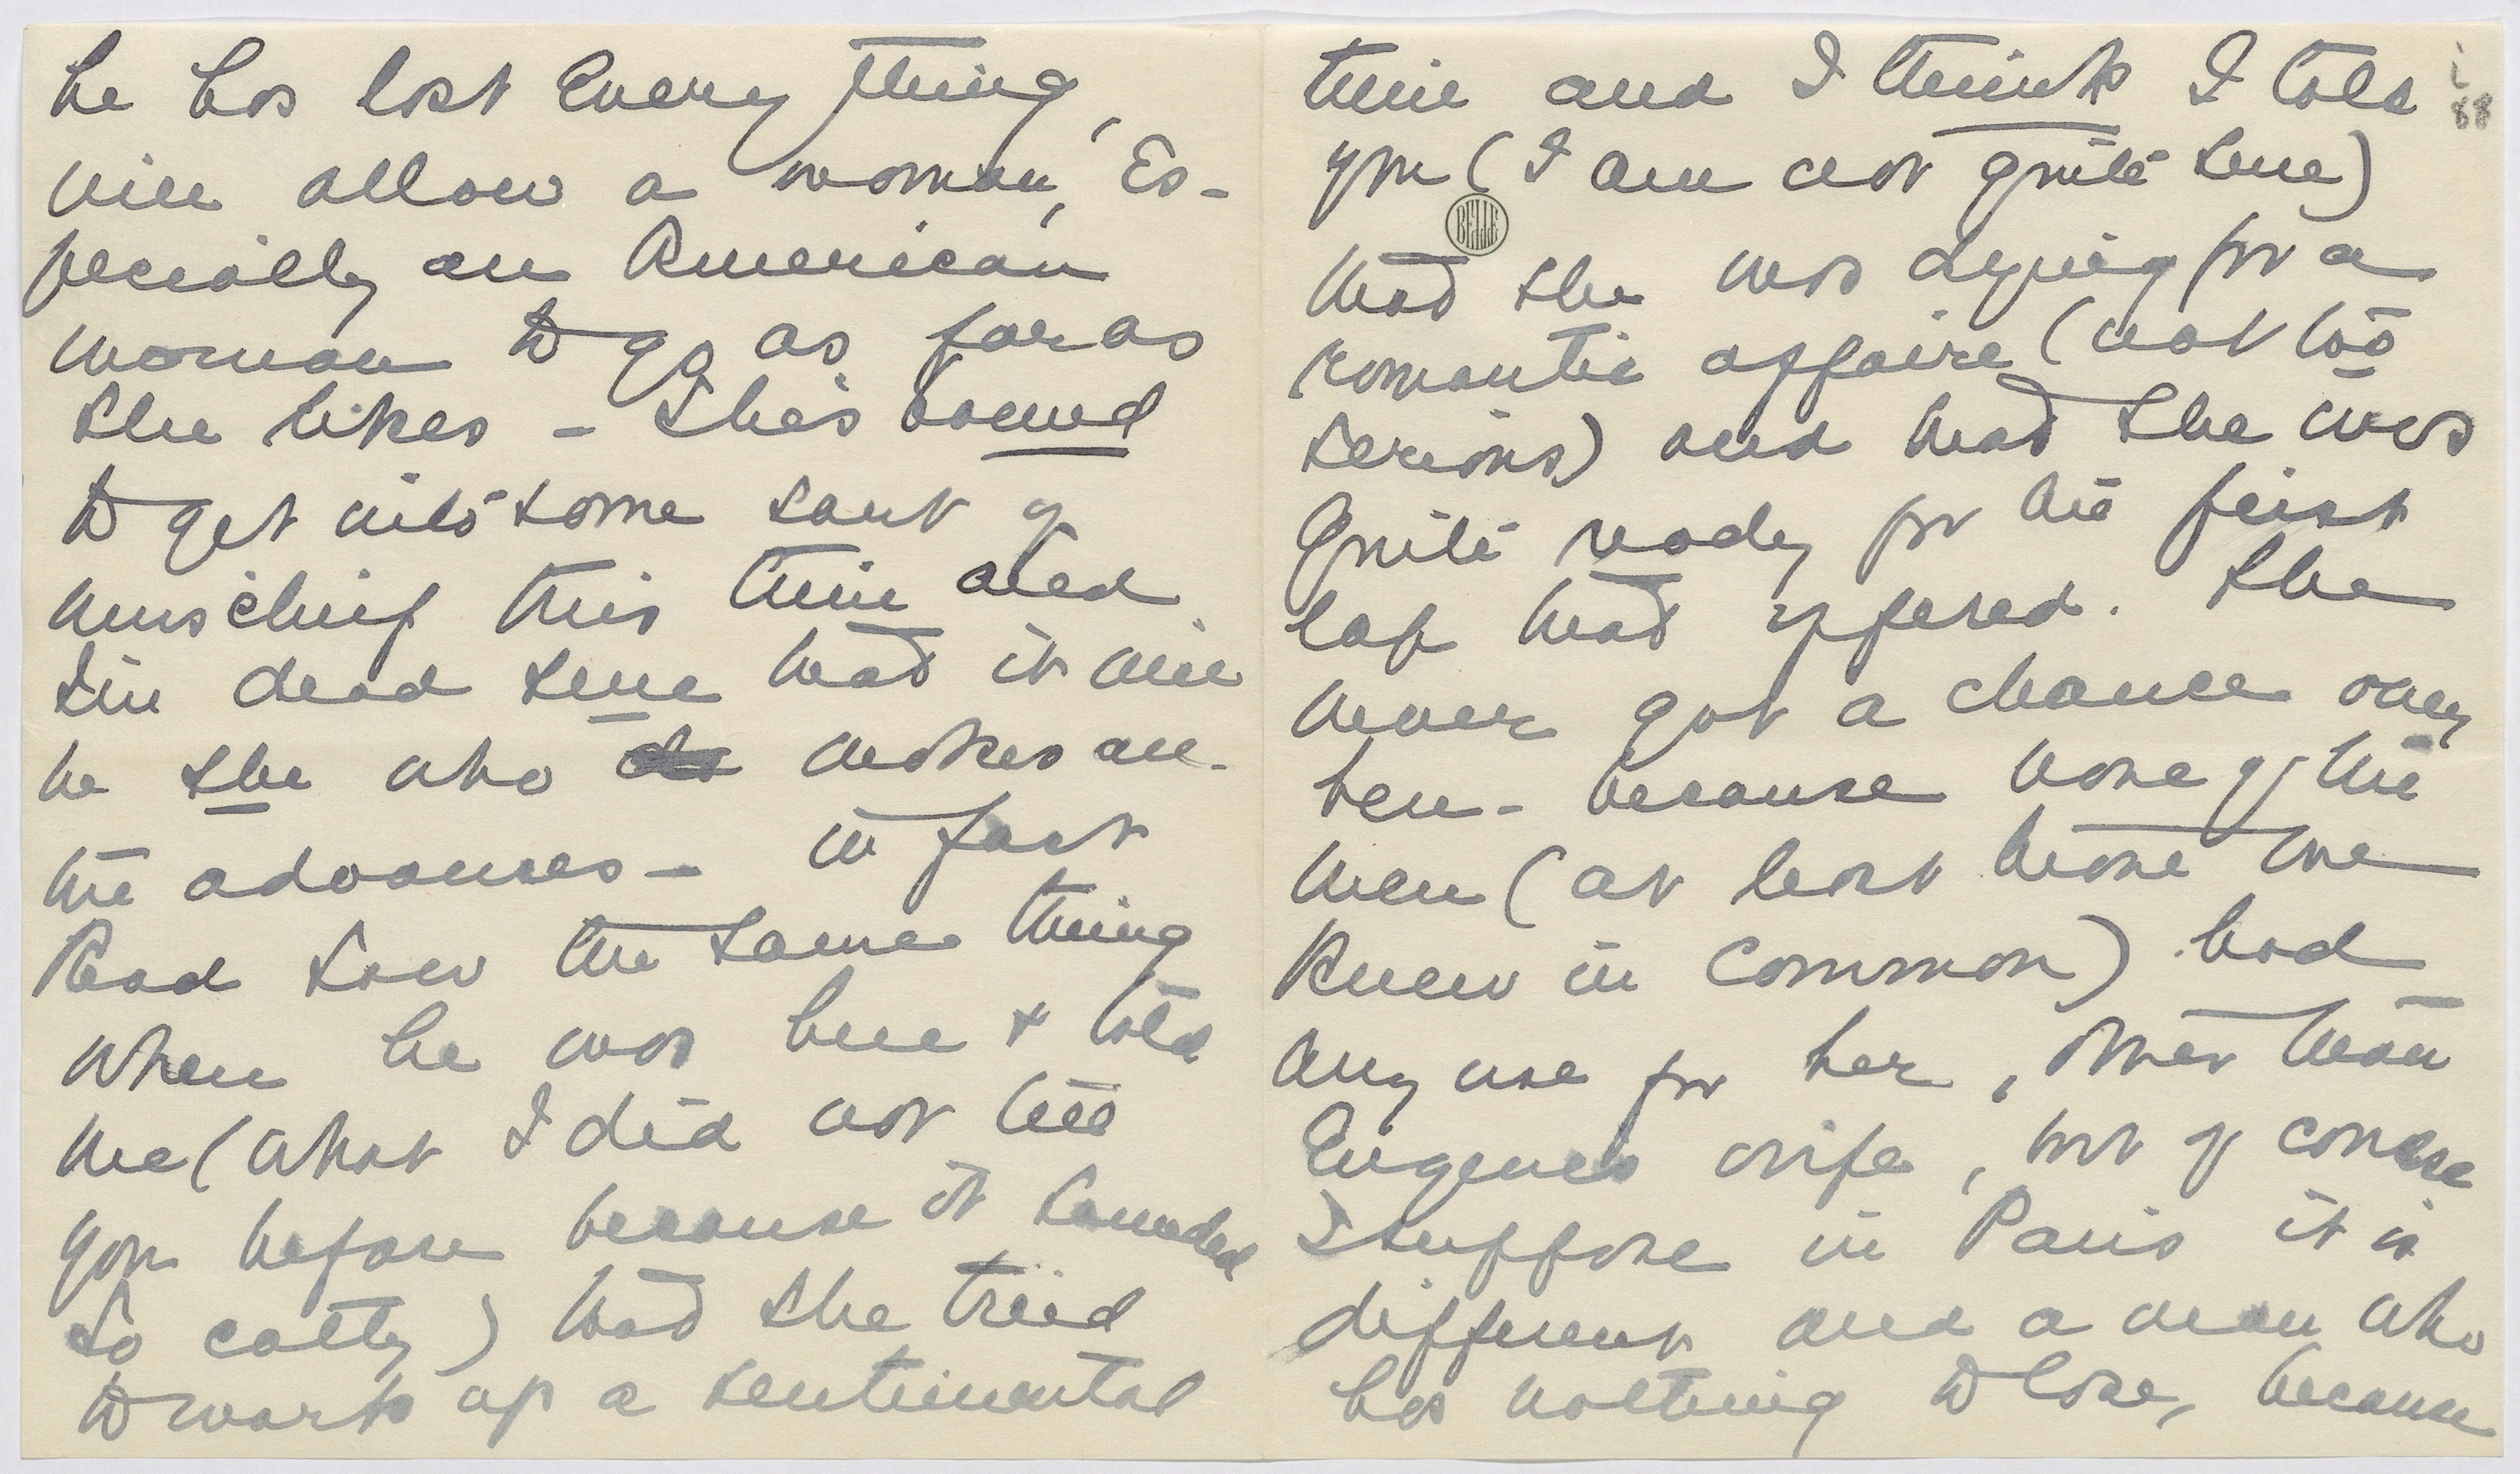time and I think I told you (I am not quite sure) that she was dying for a romantic affaire (not too serious) and that she was quite ready for the first lap that offered. She never got a chance over here – because none of the men (at least none she knew in common) had any use for her, other than Eugene’s wife, but of course I suppose in Paris it is different and a man who has nothing to lose, because
he has lost everything, will allow a woman, especially an American woman to go as far as she likes – she’s bound to get into some sort of mischief this time and I’m dead sure that it will be she who do makes all the advances – in fact Read saw the same thing when he was here & told me (what I did not tell you before because it sounded so catty) that she tried to work up a sentimental